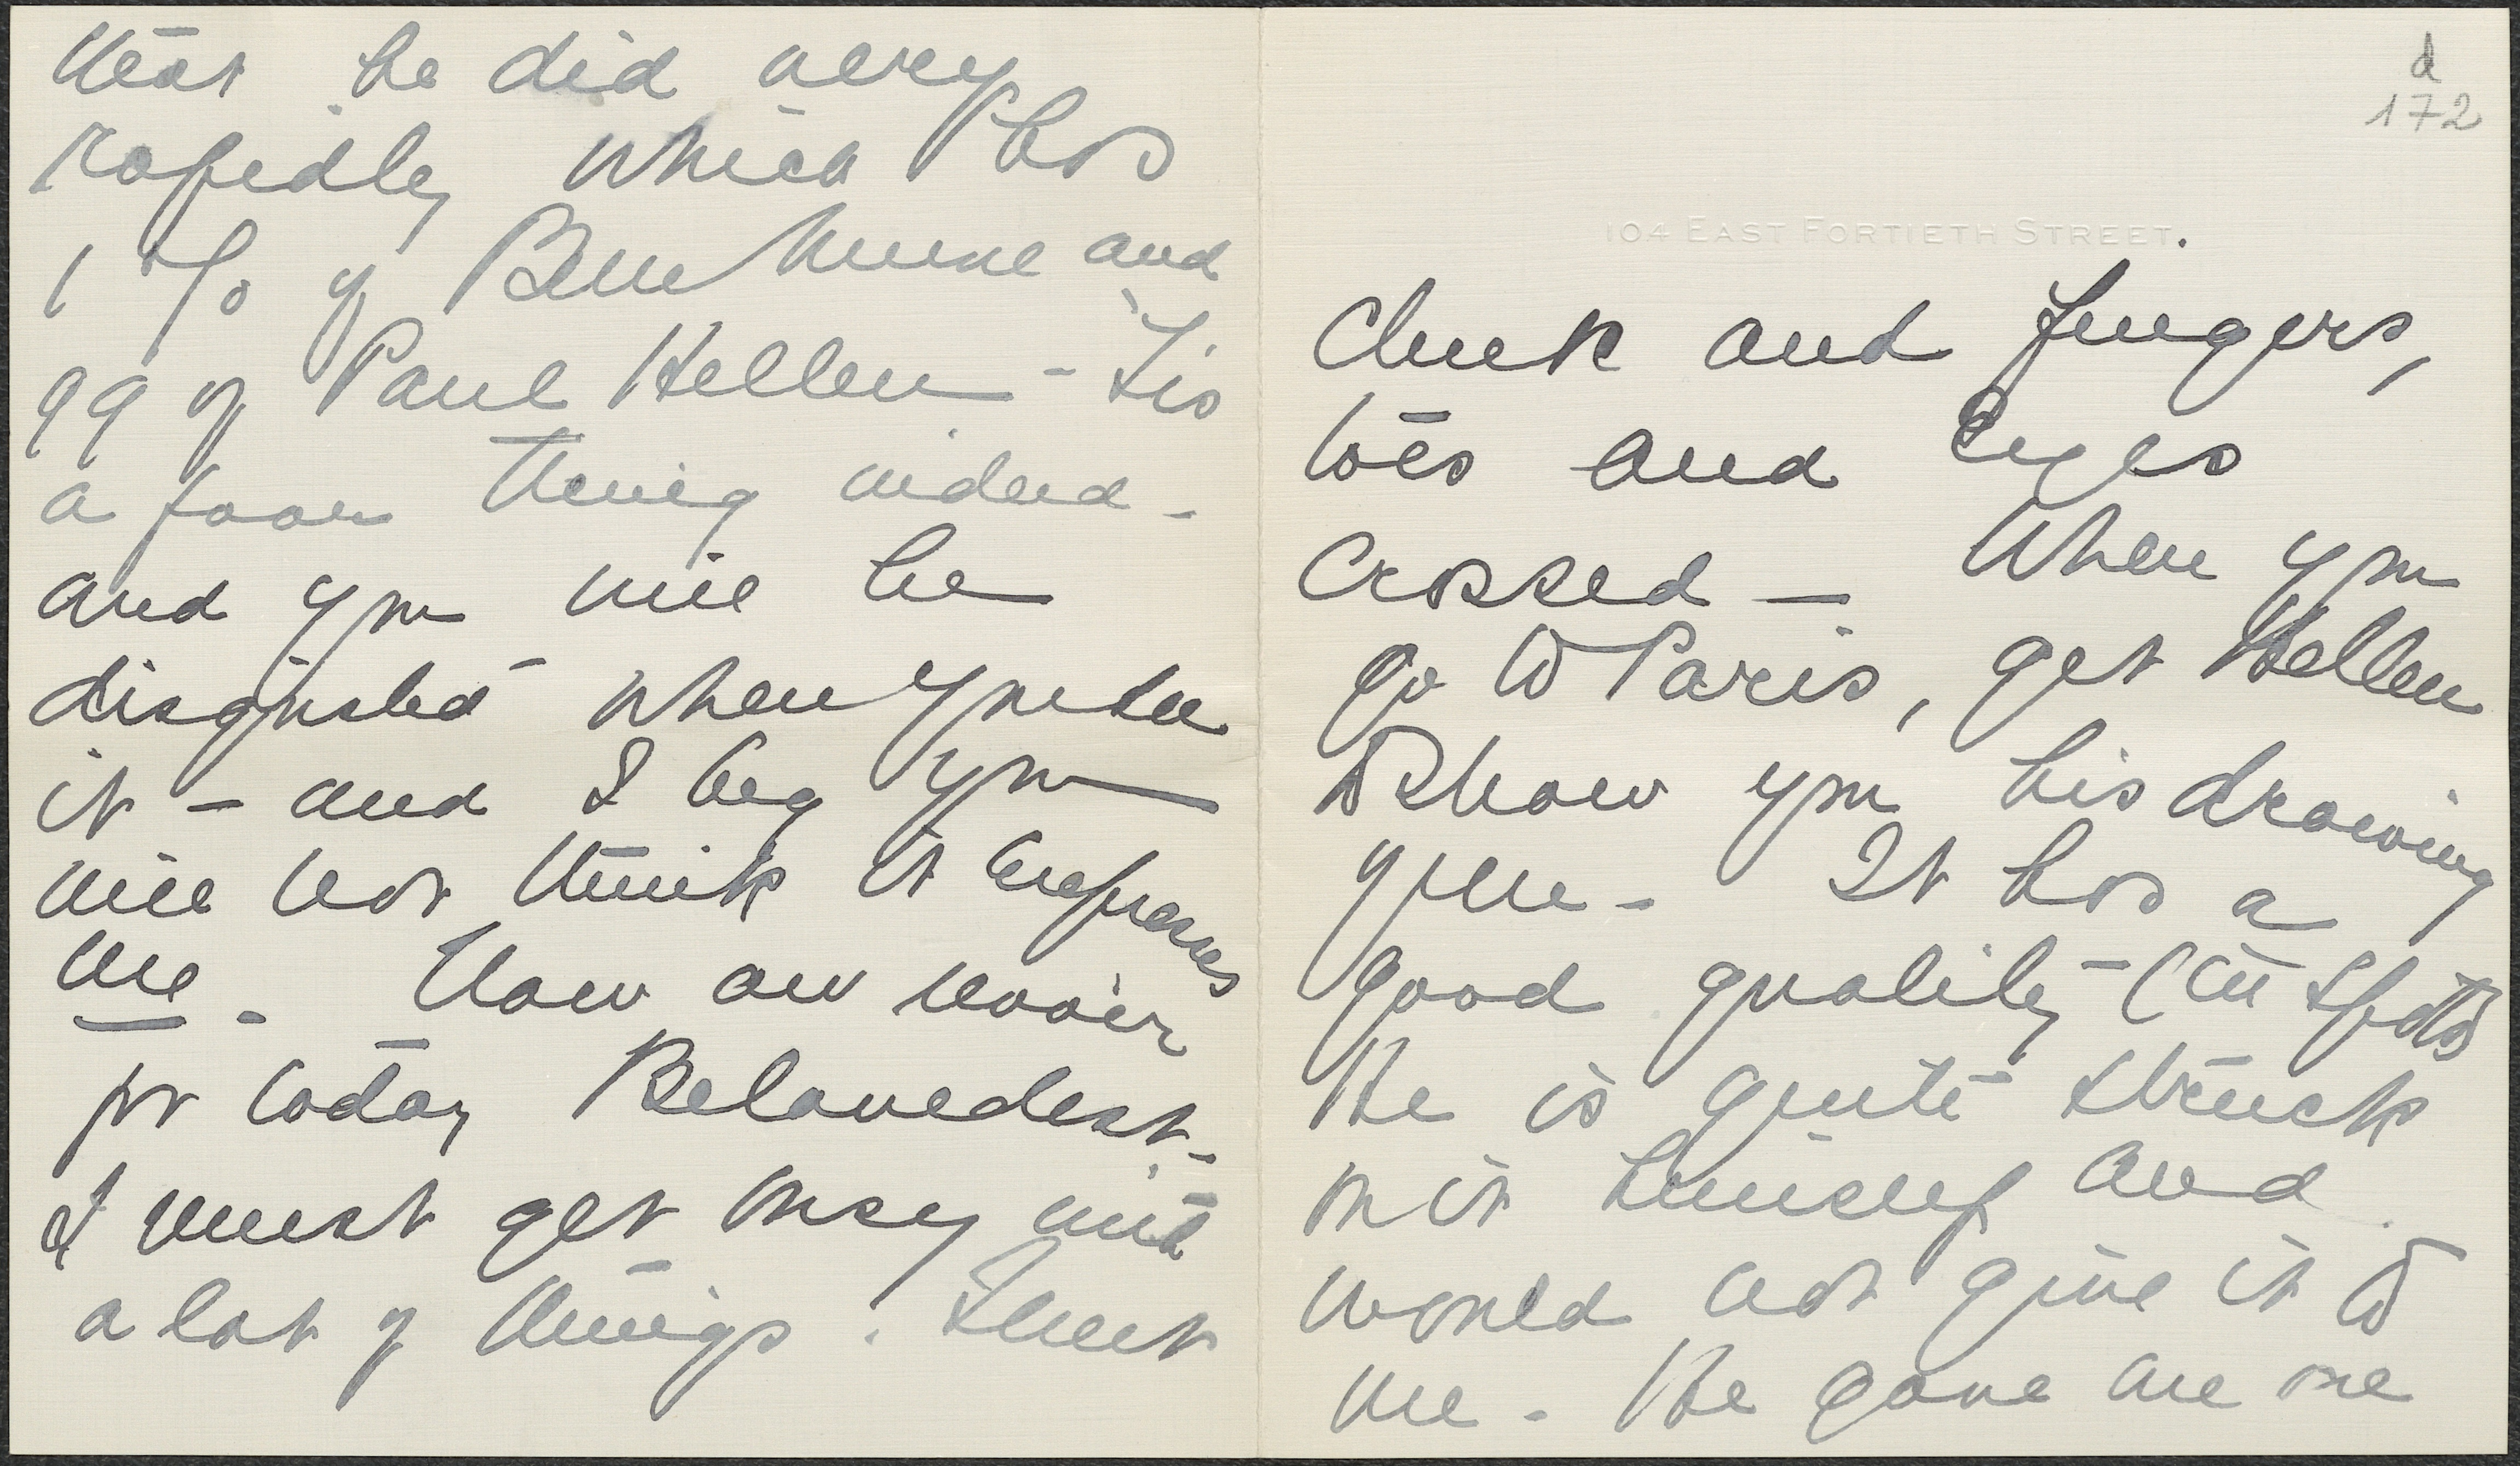cheek and fingers, toes and eyes crossed – when you go to Paris, get Helleu to show you his drawing of me – It has a good quality (in spots) He is quite struck on it himself and would not give it to me – He gave me one
that he did very rapidly which has 1% of Belle Greene and 99 of Paul Helleu – ‘Tis a poor thing indeed – and you will be disgusted when you see it – and I beg you will not think it expresses me – Now au revoir for today Belovedest – I must get busy with a lot of things. I met